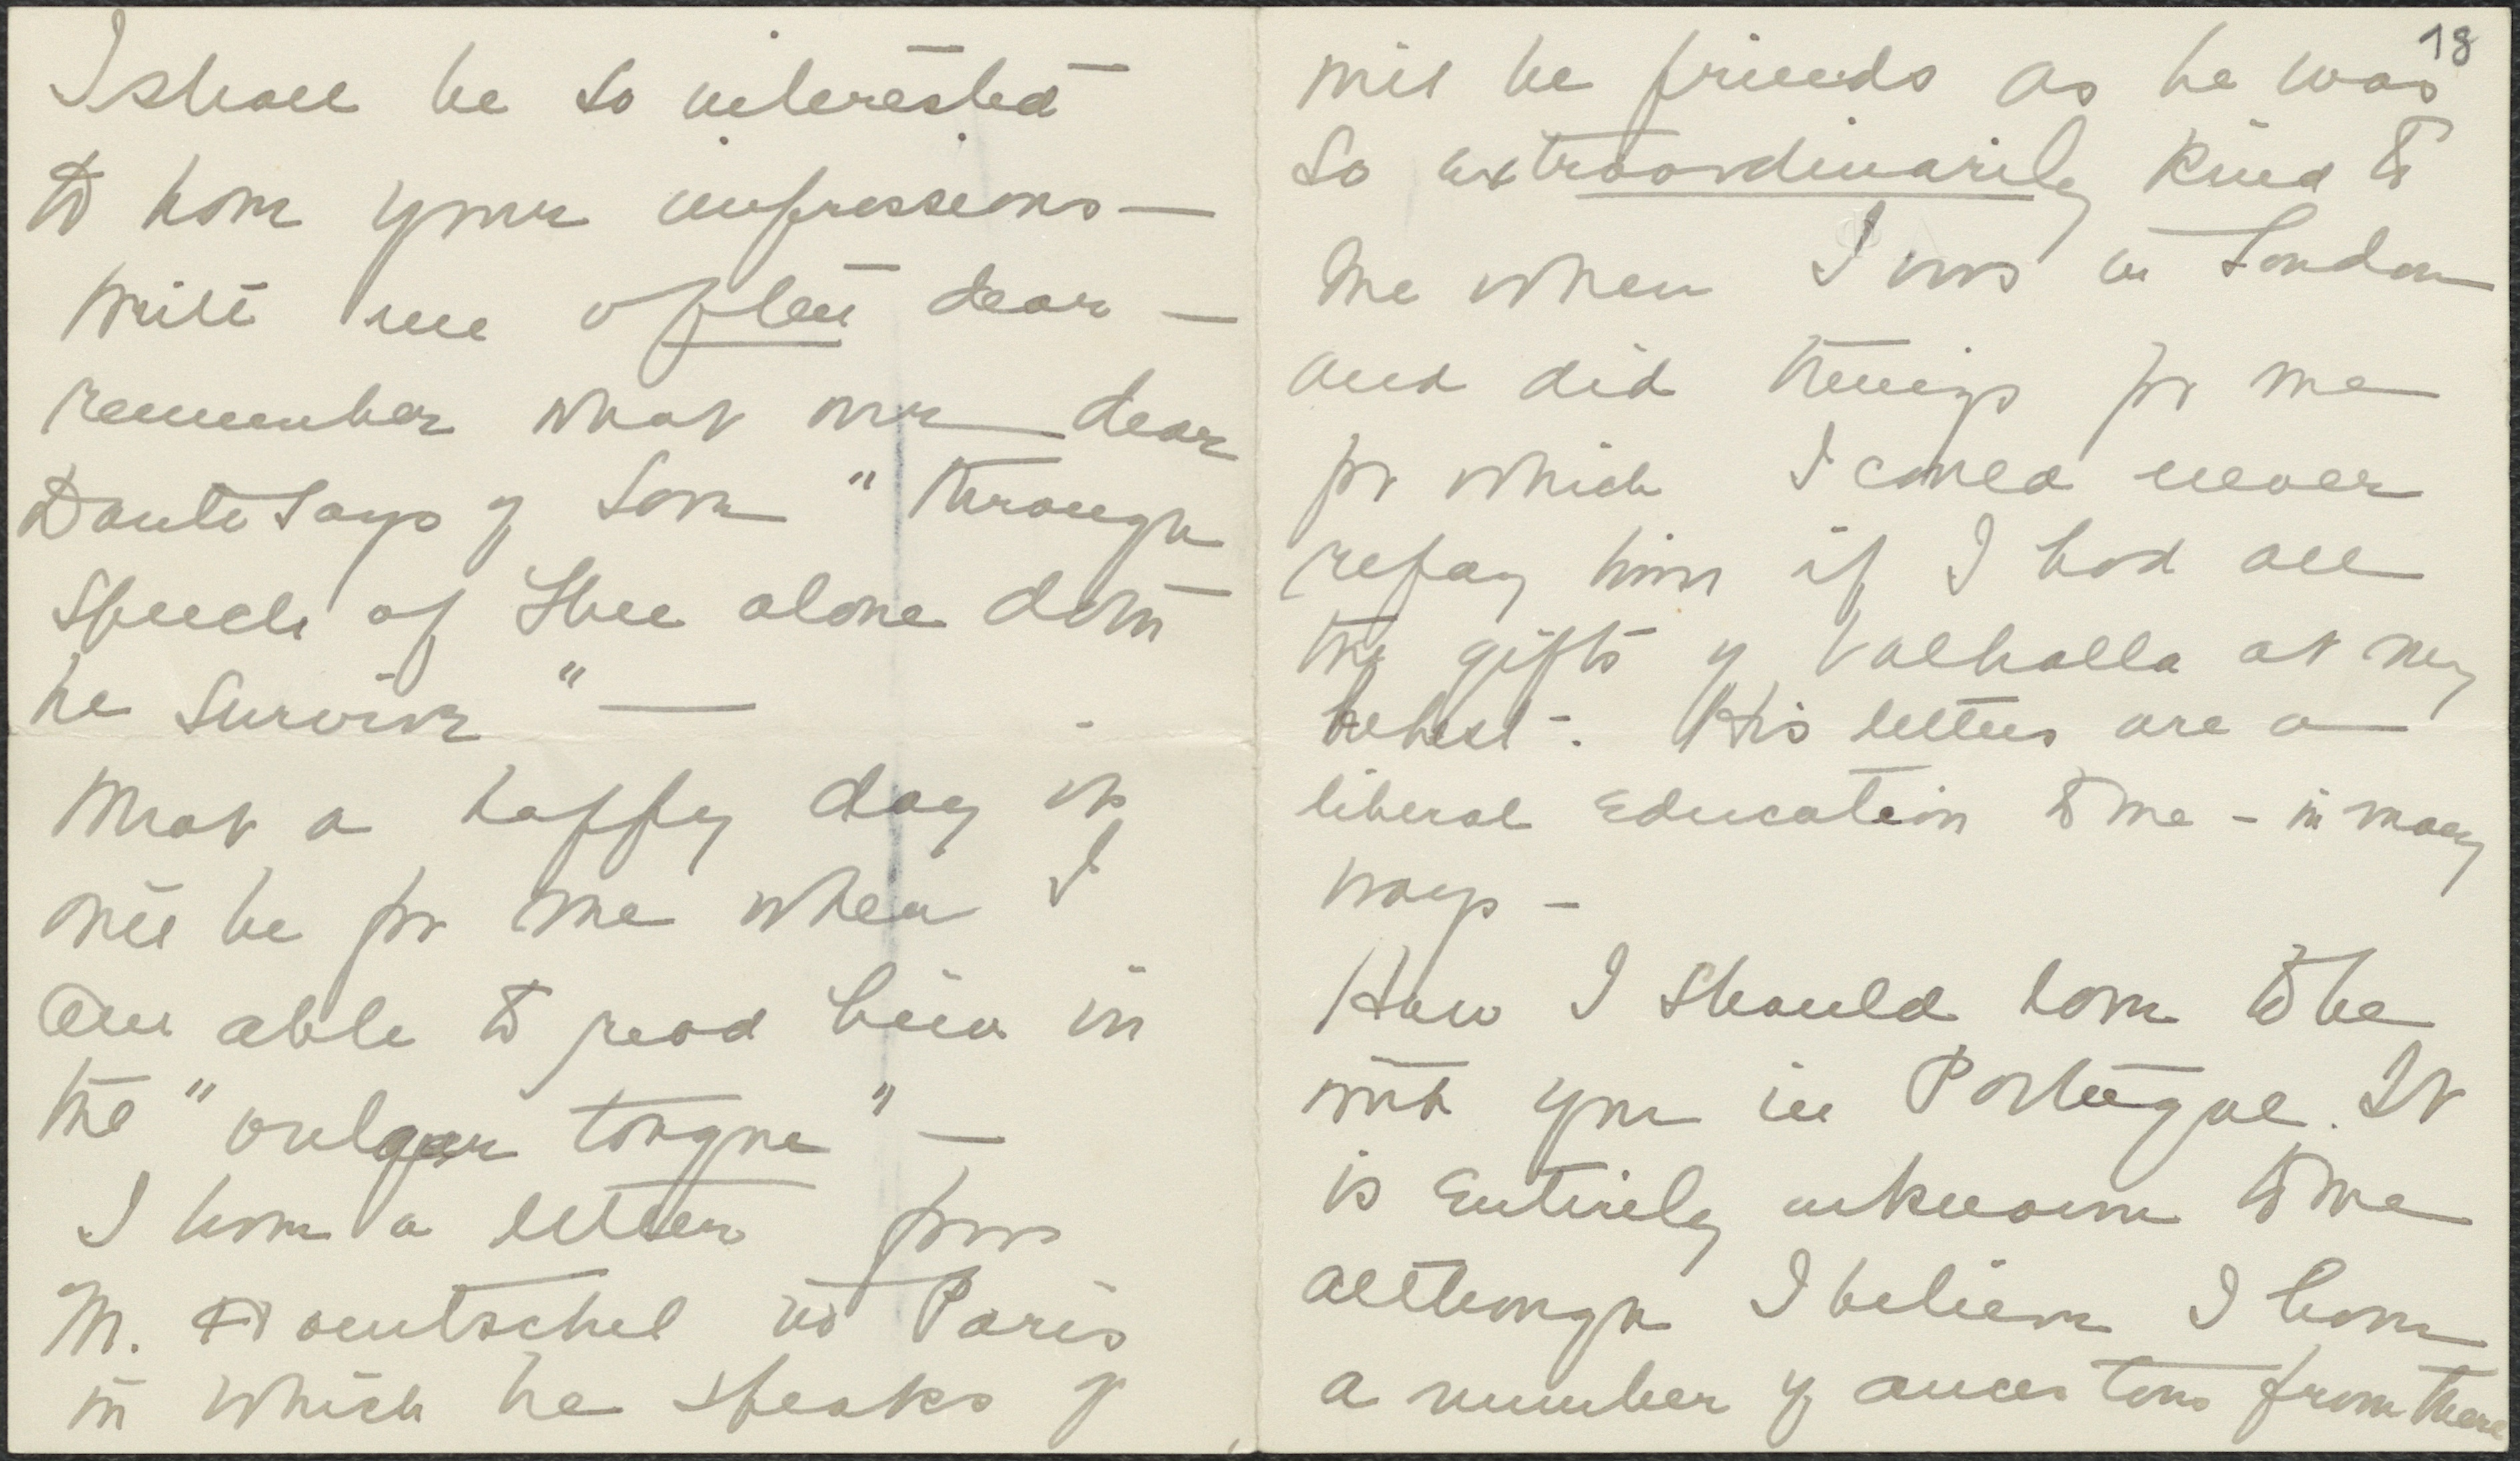will be friends as he was so extraordinarily kind to me when I was in London and did things for me for which I could never repay him if I had all the gifts of Valhalla at my behest. His letters are a liberal education to me – in many ways –
How I should love to be with you in Portugal. It is entirely unknown to me although I believe I have a number of ancestors from there
I shall be so interested to have your impressions – write me often dear – remember what our dear Dante says of love “through speech of Thee alone doth he survive” –
What a happy day it will be for me when I am able to read him in the “vulgar tongue” –
I have a letter from M. Hoentschel in Paris in which he speaks of